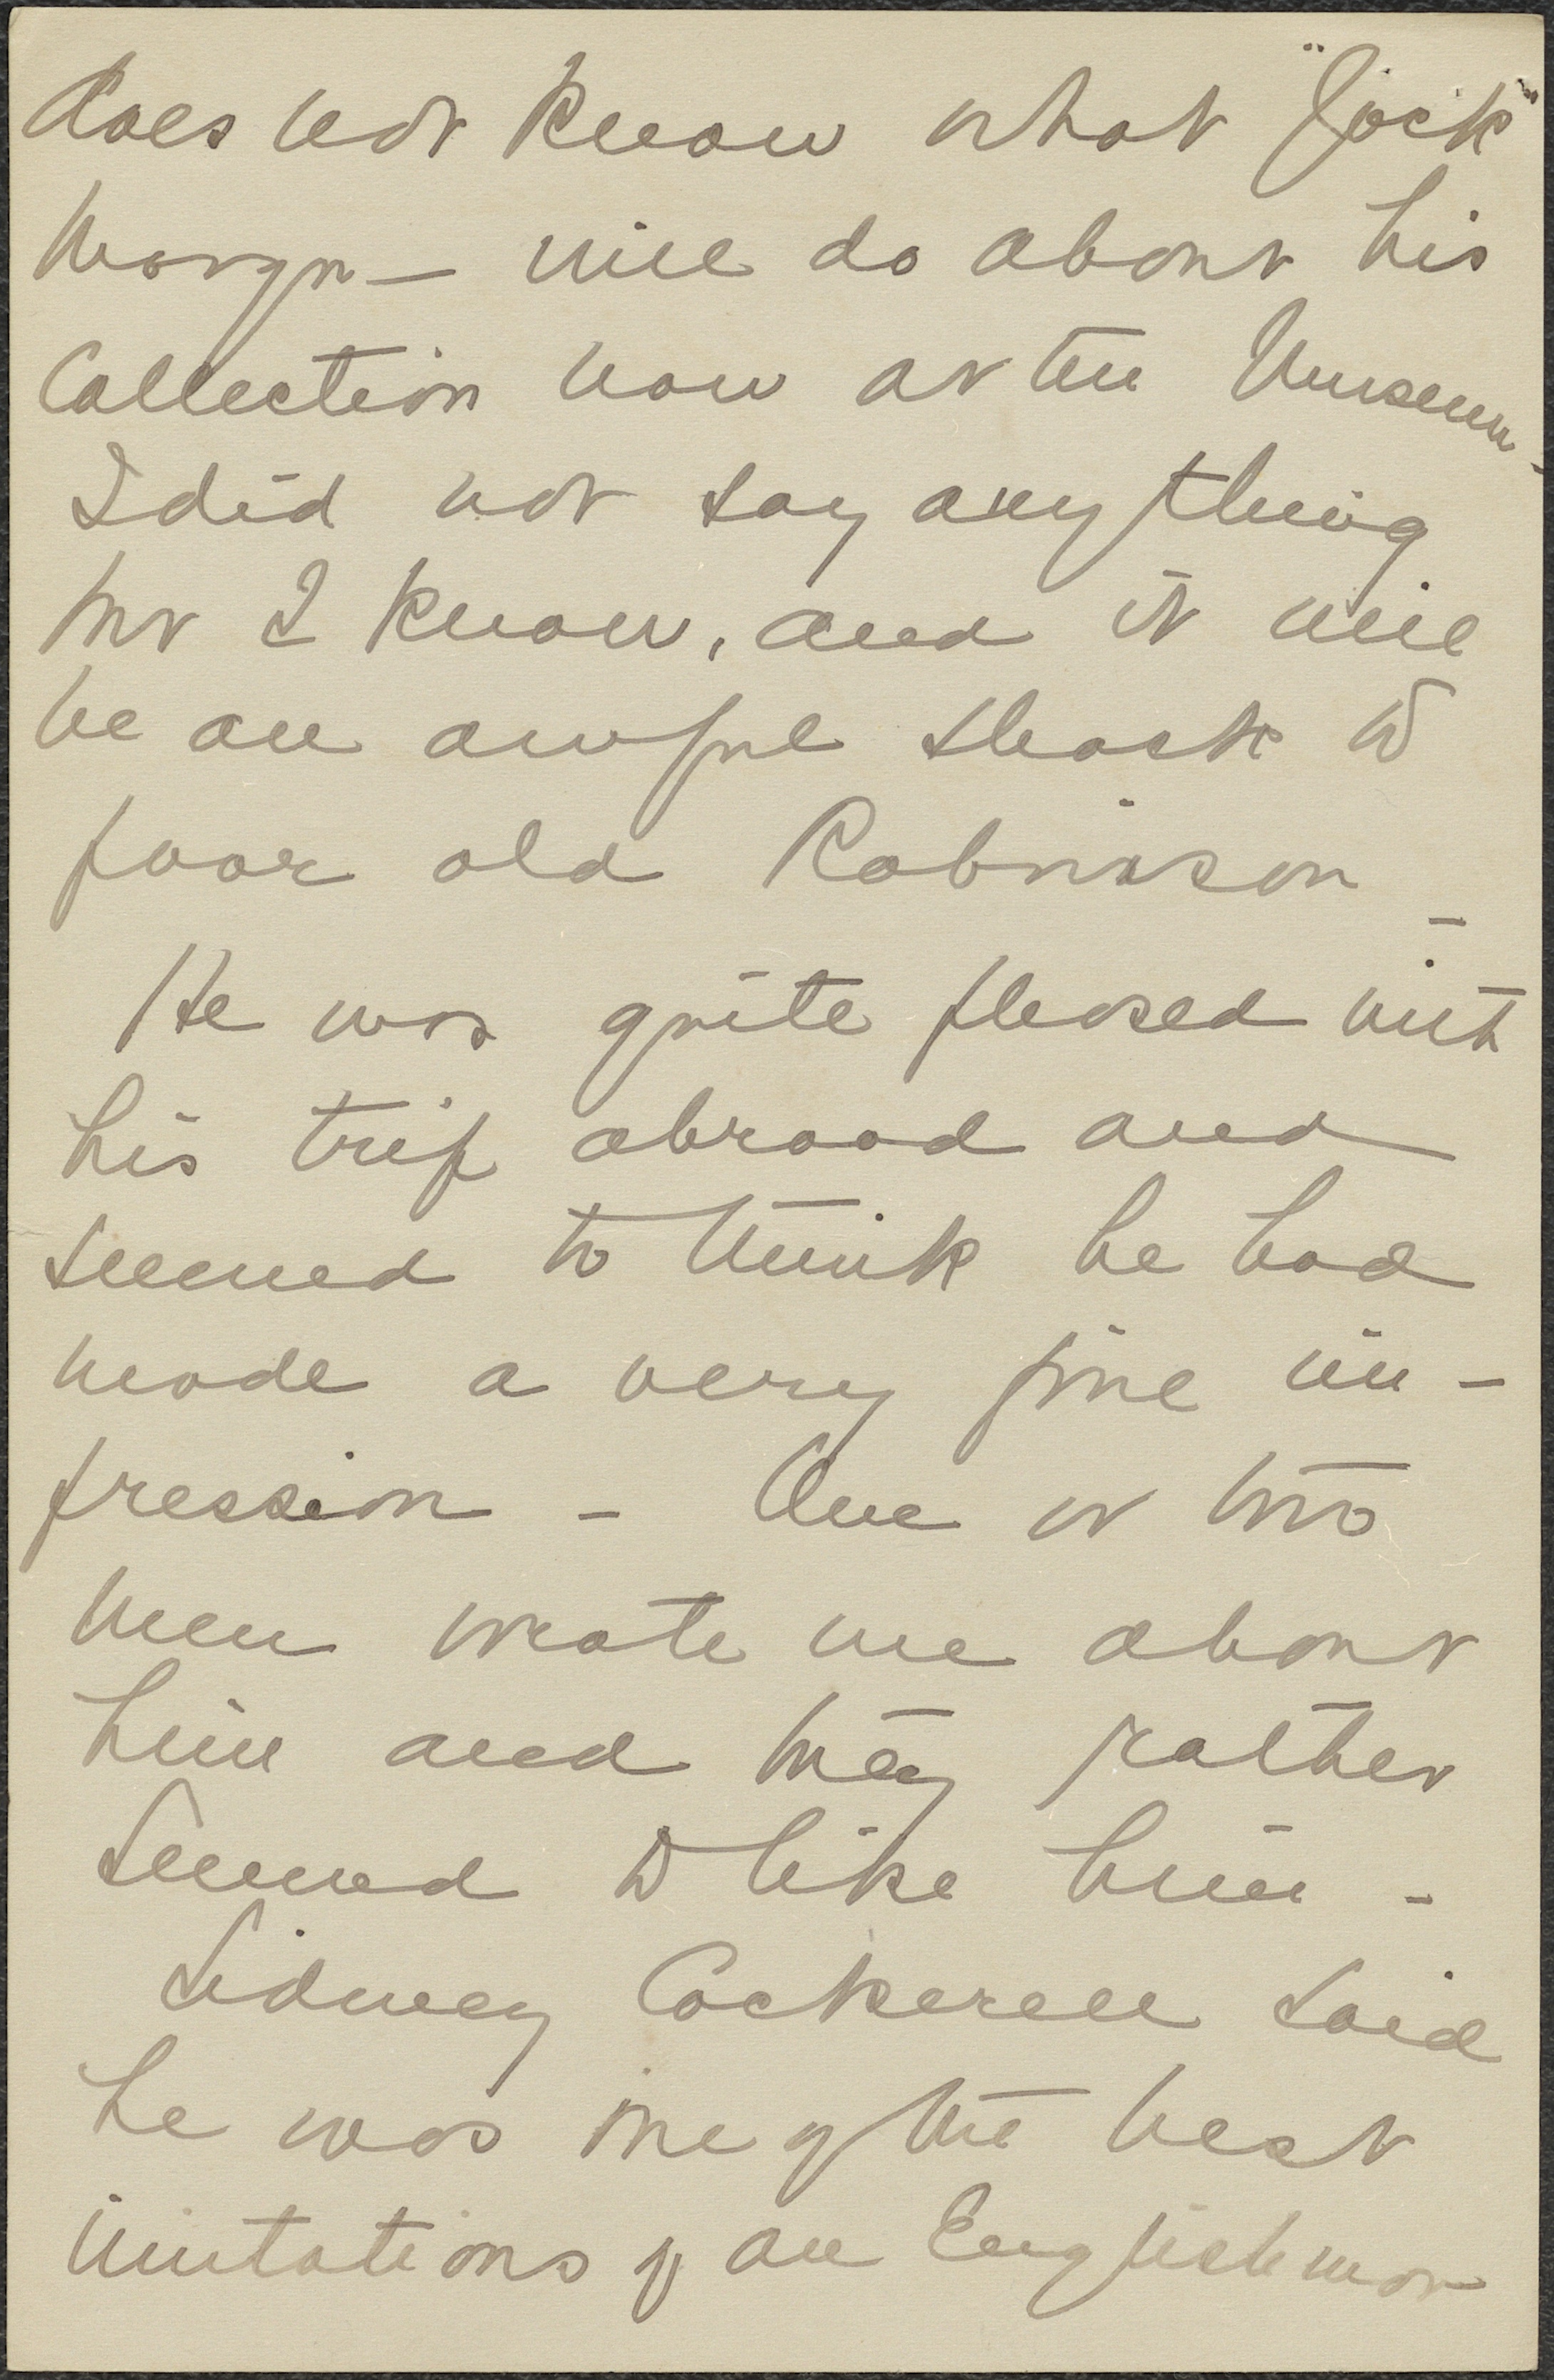does not know what “Jack” Morgan – will do about his collection now at the Museum – I did not say anything but I know, and it will be an awful shock to poor old Robinson –
He was quite pleased with his trip abroad and seemed to think he had made a very fine impression – One or two men wrote me about him and they rather seemed to like him –
Sidney [sic] Cockerell said he was one of the best imitations of an Englishman